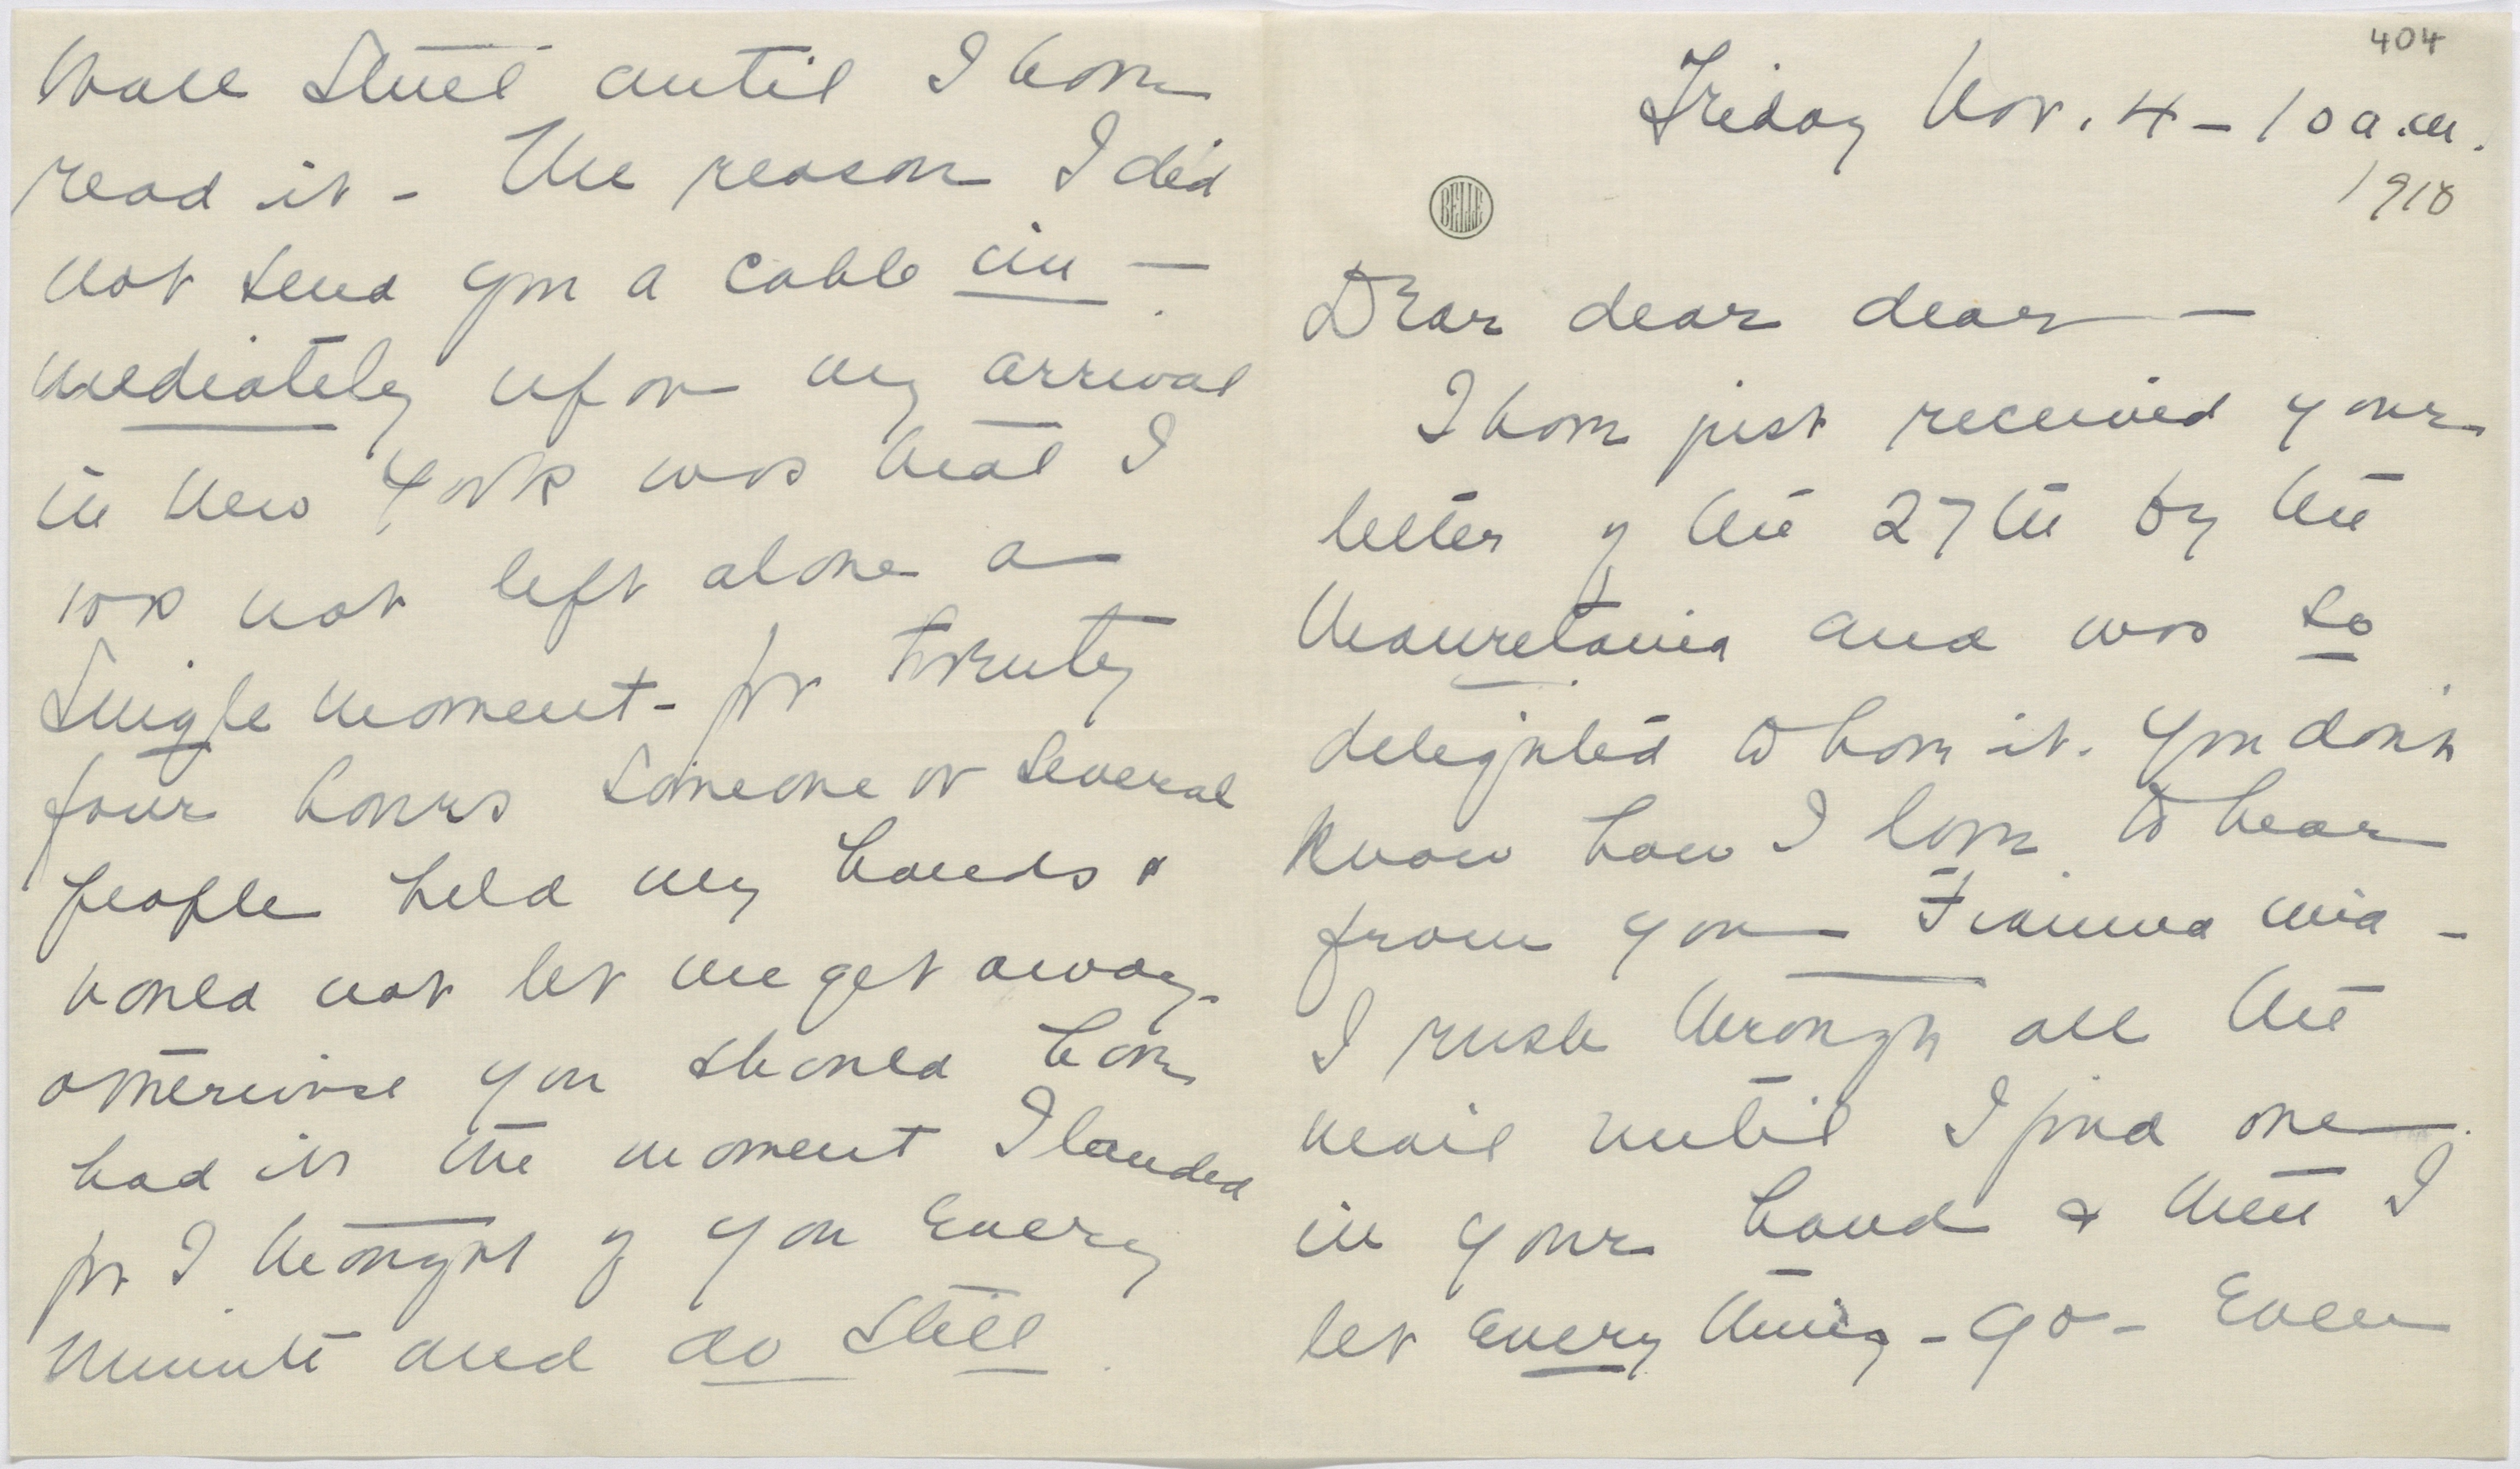Friday Nov. 4 – 10 a.m.
Dear dear dear –
I have just received your letter of the 27th by the Mauretania and was so delighted to have it. You don’t know how I love to hear from you Fiamma mia – I rush through all the mail until I find one in your hand & then I let every thing – go – even
Wall Street until I have read it – The reason I did not send you a cable immediately upon my arrival in New York was that I was not left alone a single moment – for twenty four hours someone or several people held my hands & would not let me get away – otherwise you should have had it the moment I landed for I thought of you every minute and do still.